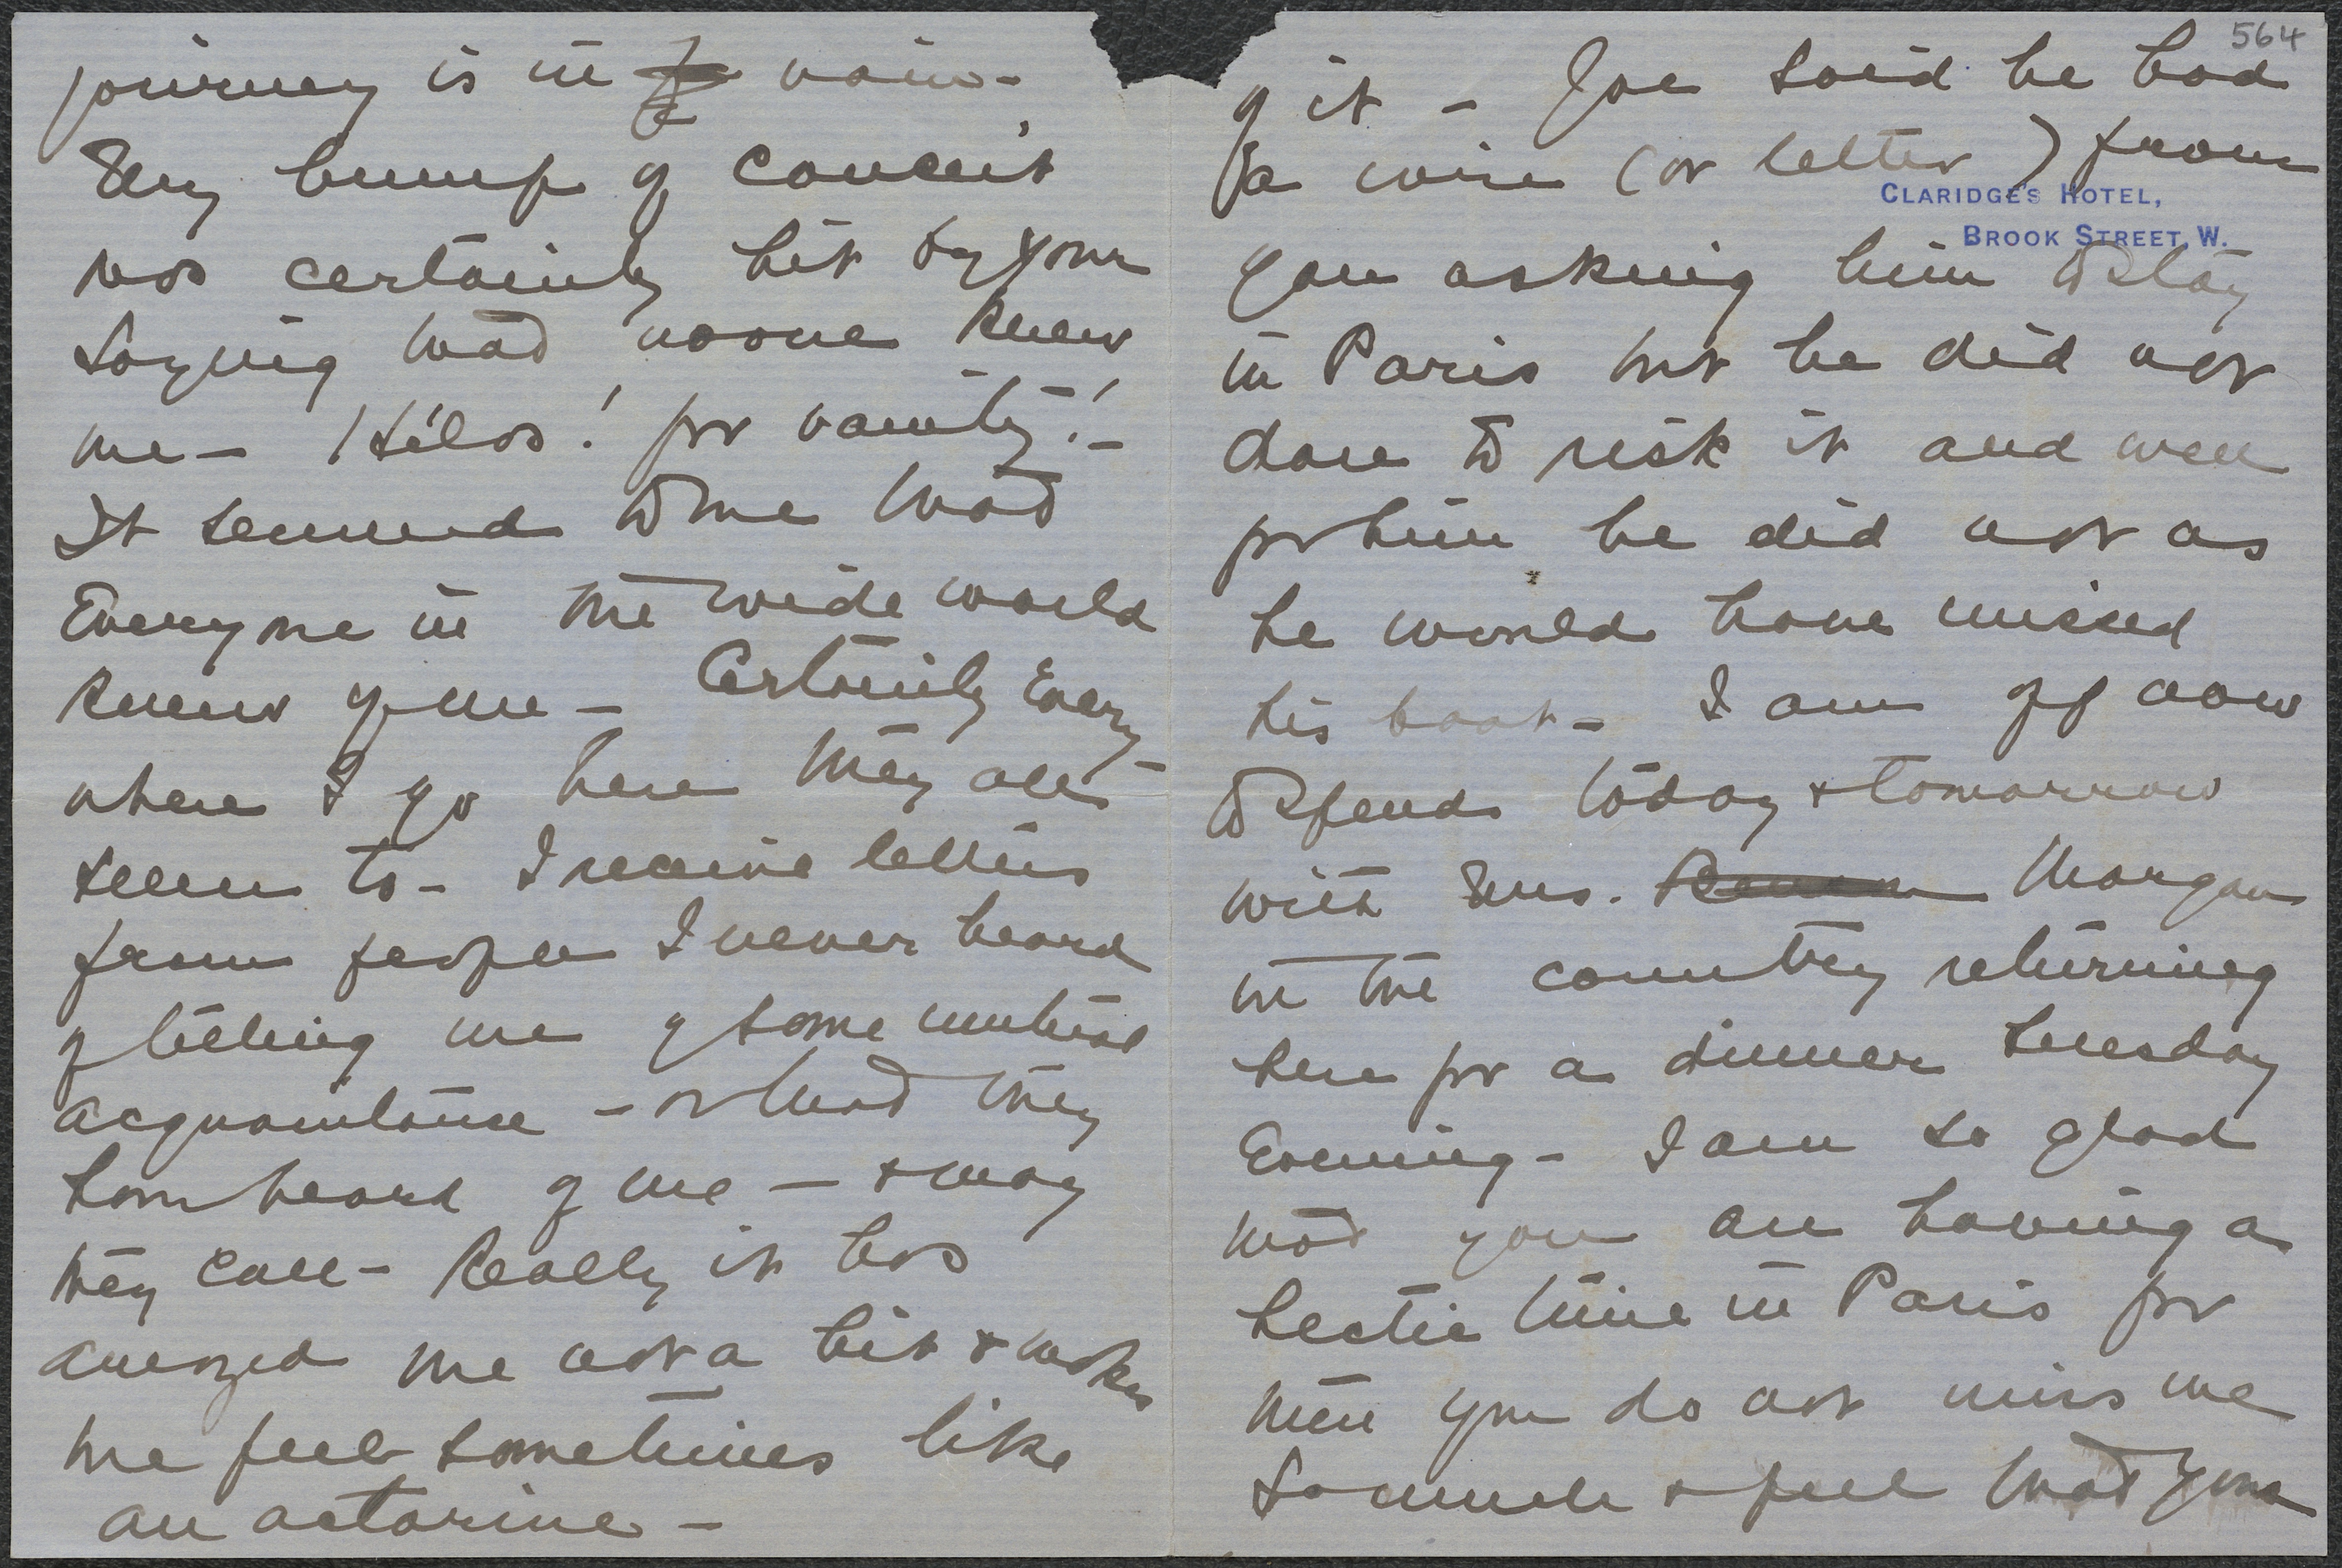of it – Joe said he had a wire (or letter) from you asking him to stay in Paris but he did not dare to risk it and well for him he did not or he would have risked his boat – I am off now to spend today & tomorrow in the country returning here for a dinner Tuesday evening – I am so glad that you are having a hectic time in Paris for then you do not miss me so much & feel that your
journey is in f vain
My bump of conceit was certainly hit for your saying that noone knows me – Hélas! for vanity! – It seemed to me that everyone in the wide world knew of me – Certainly everywhere I go here they all seem to – I receive letters from people I never heard of telling me of some mutual acquaintance – or that they have heard of me – & may they call – Really it has amazed me not a bit & makes me feel sometimes like an actorine –